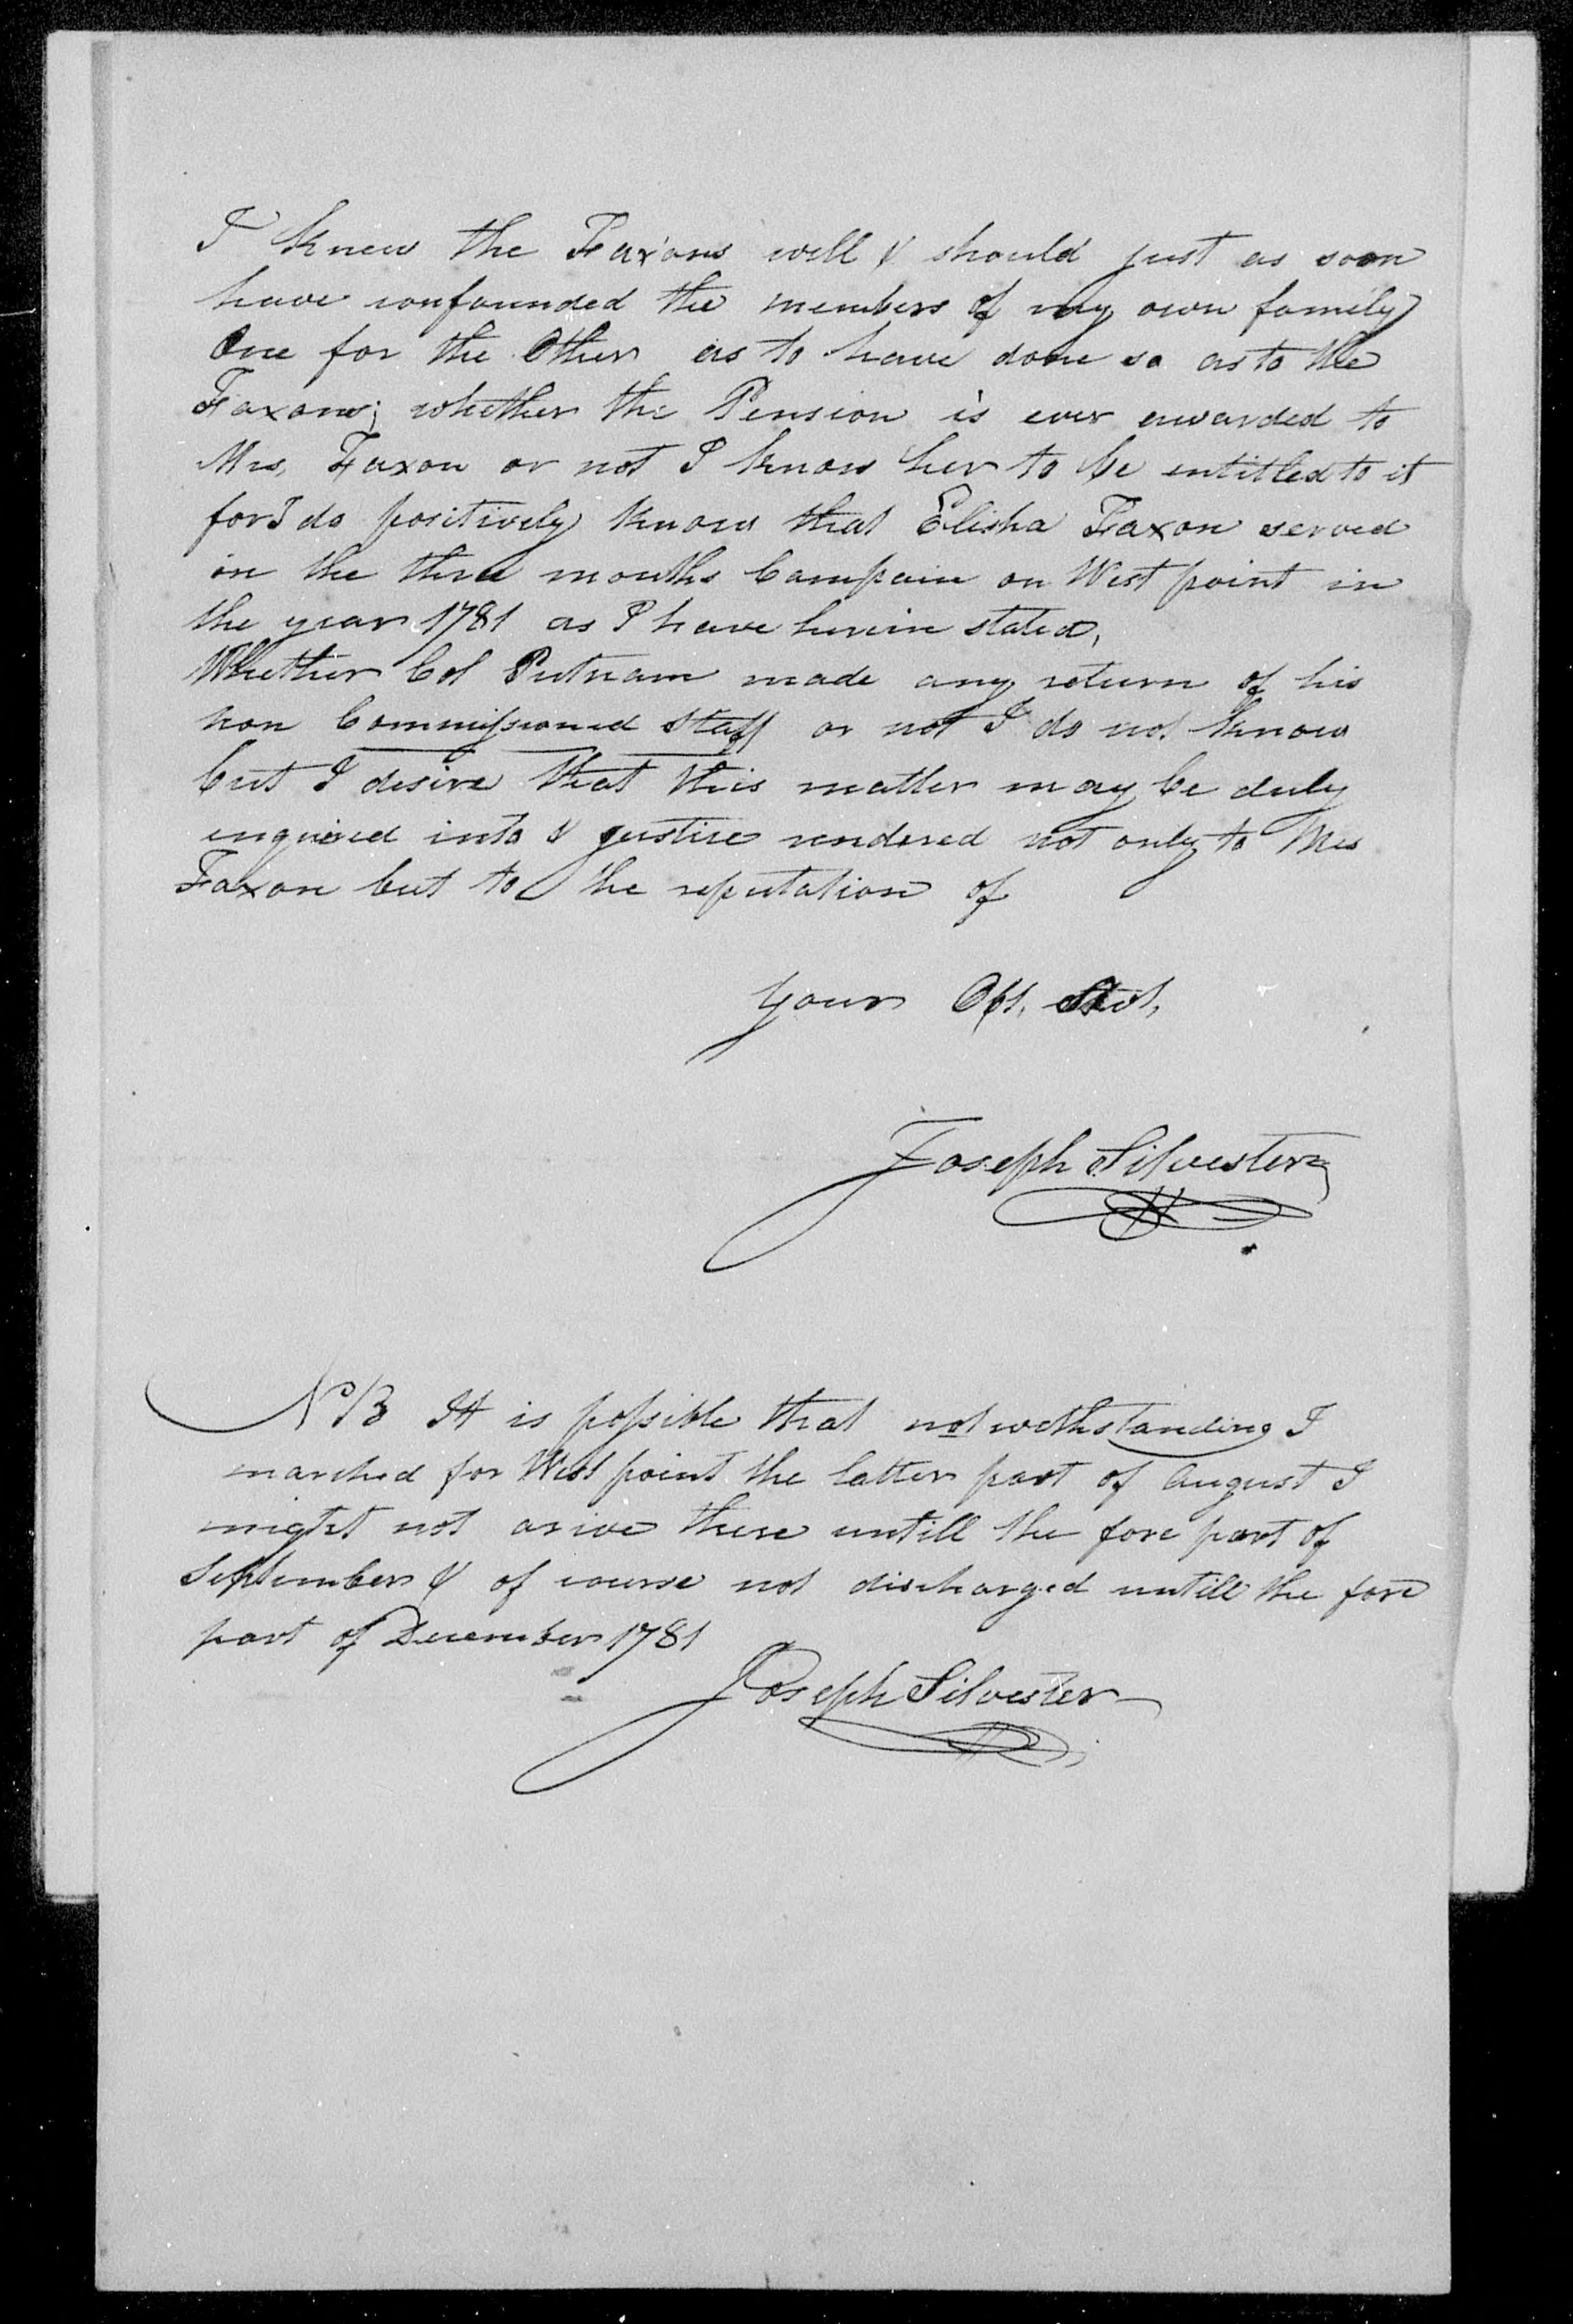I knew the faxons well and should just as soon have informed the members of my own family once for the other as to have done so as to the Faxons; whether this pension is ever awarded to Mrs. Faxon or not I know her to be entitled to it for I do positively know that Elisha Faxon served in the three months campaigns on West Point in the year 1781 as I have herein stated.
Whether Col Putnam made any (illegible) of his non commissioned staff or not I do not know but I desire that this matter may be duly inquired into as justice rendered not only to Mrs. Saxon but to the reputation of
Yours (illegible)
Joseph Silvester
PS It is possible that not withstanding I (illegible) for West Point the latter part of August I might not arrive there until the fore part of September and of course not discharged until the fore part of December 1781
Joseph Silvester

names: Faxon, Elisha Faxon, Faxon, Faxon, Putnam, Joseph Silvester, Joseph Silvester, Faxon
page: 26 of 47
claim: widow's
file: W. 14703, Elisha Faxon, Mass